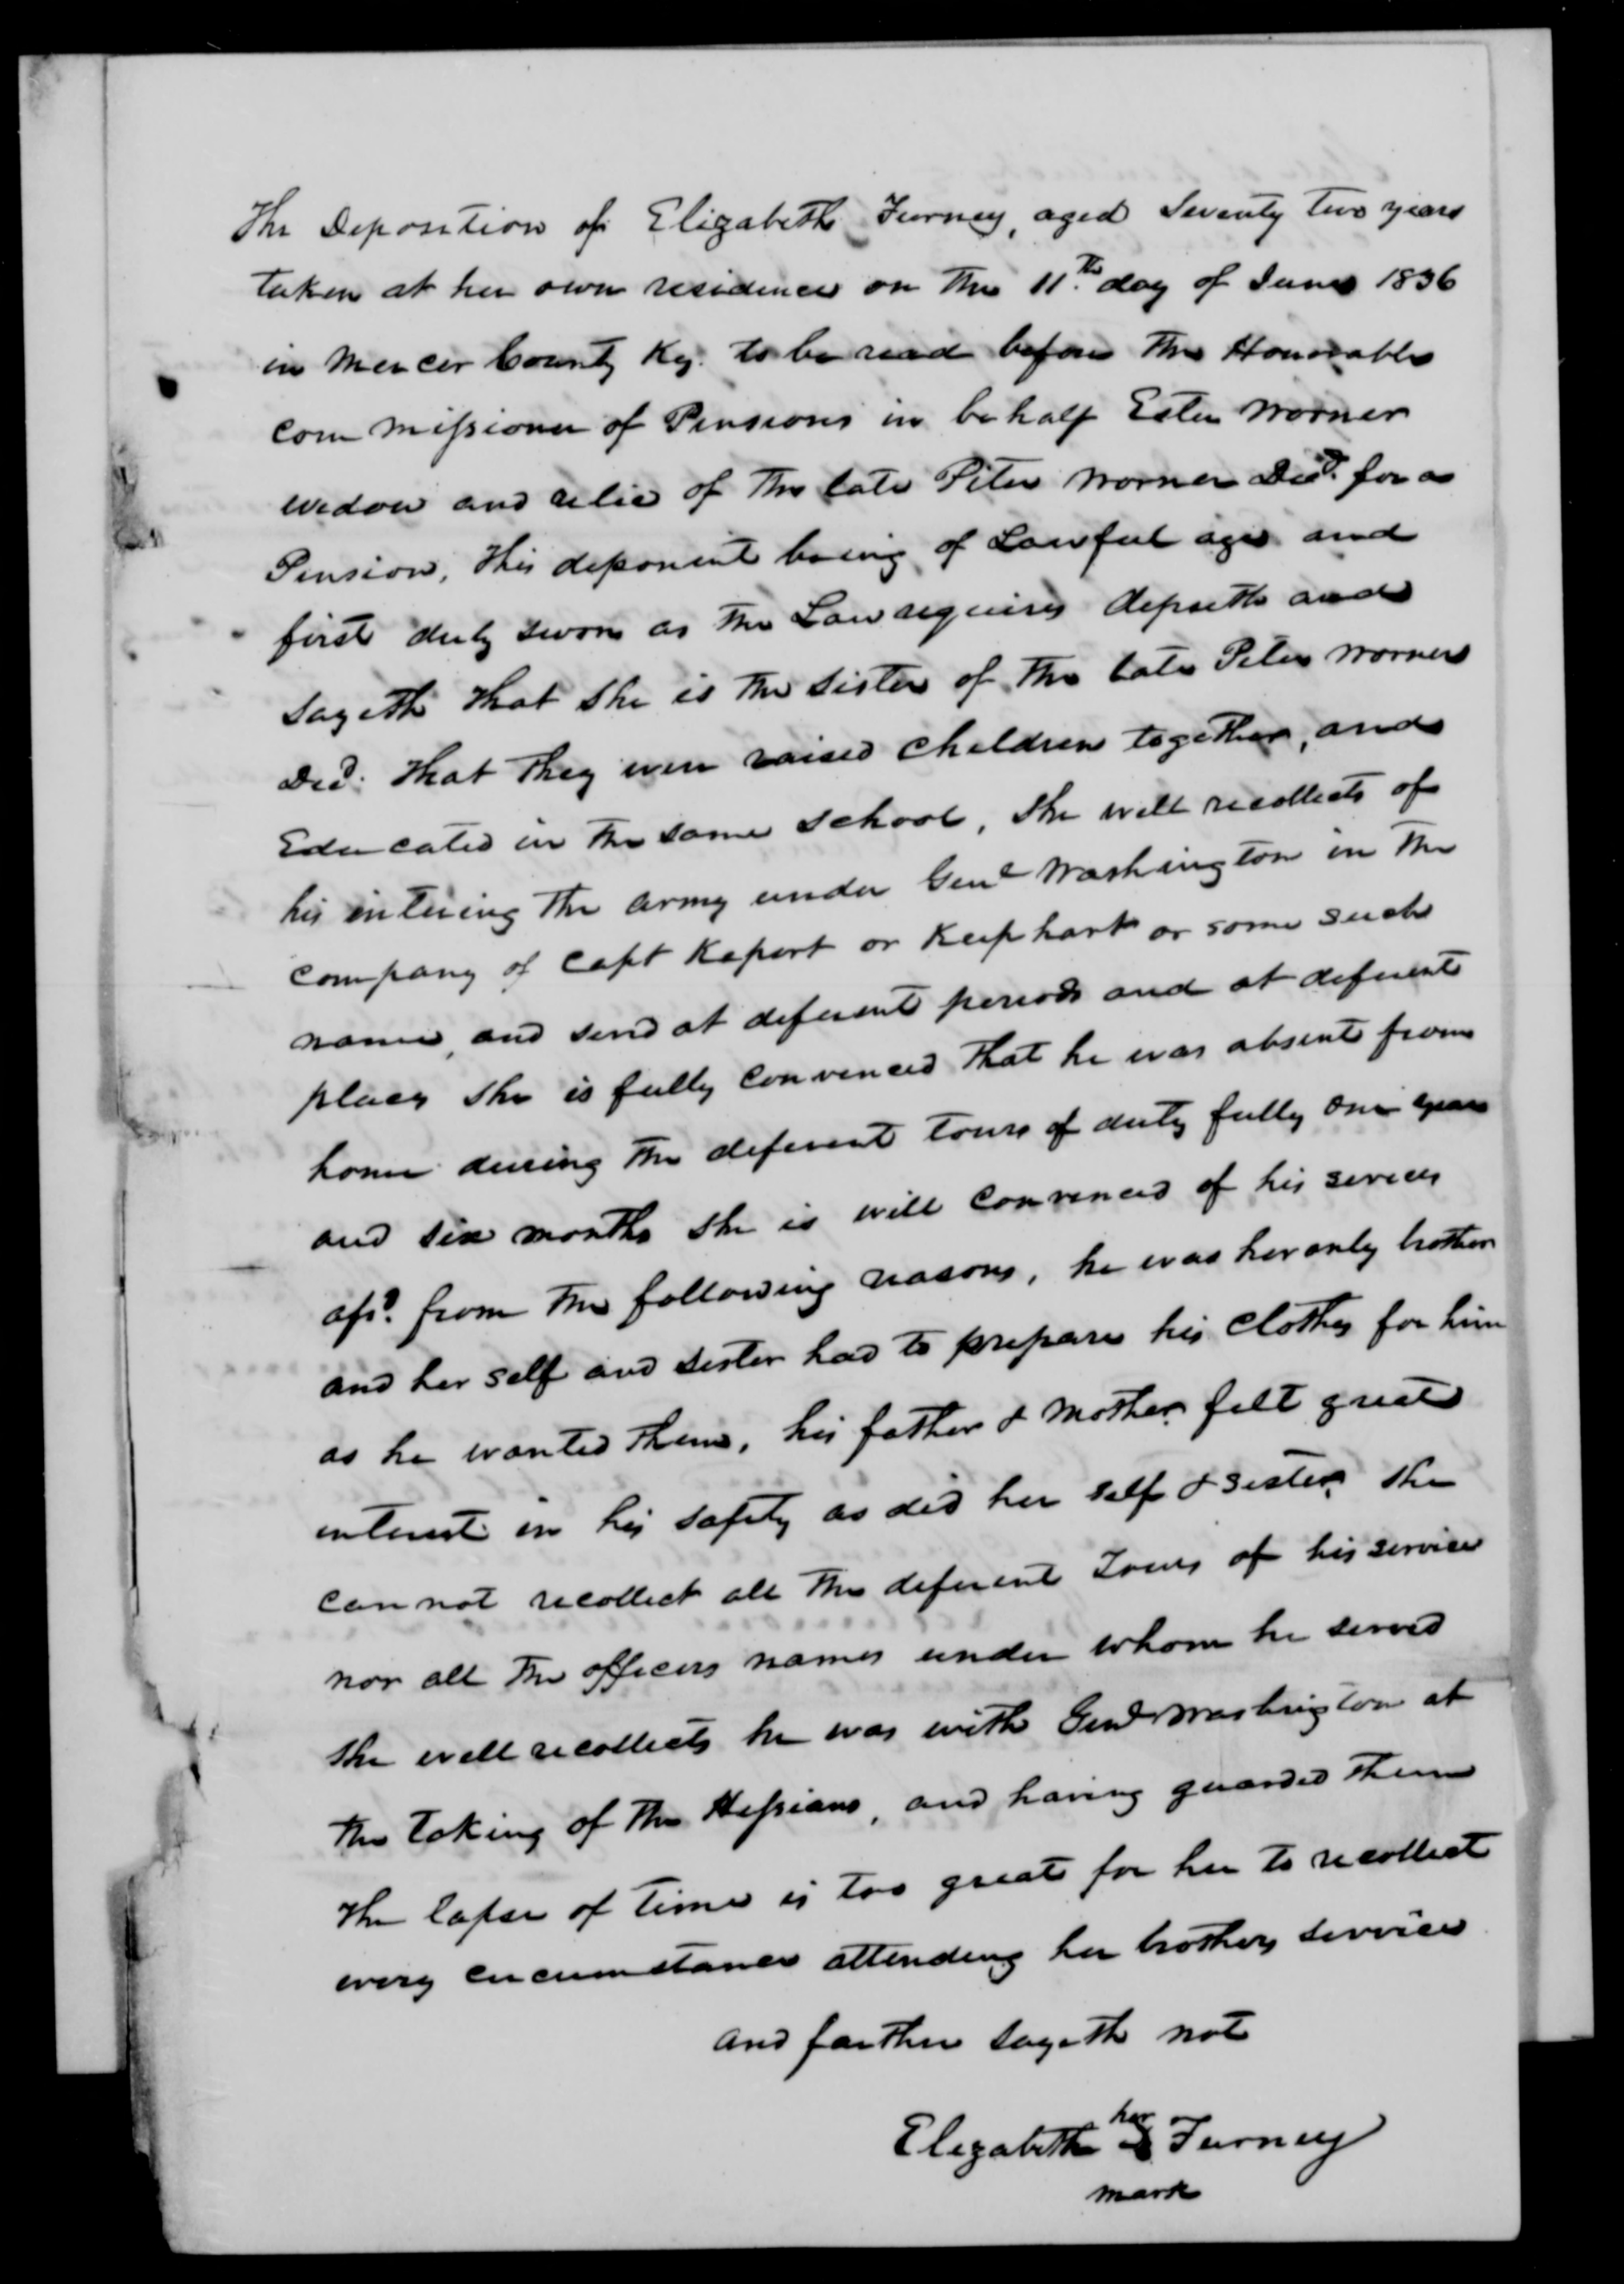The Deposition of Elizabeth Furney aged Seventy two years
taken at her own residence on This 11th day of June 1836
in Mercer County Ky. to be read before the Honorable 
commissioner of Pensions in behalf Ester Worner
widow and relic of the late Peter Worner decd for a
Pension. This deponent being of Lawful age and
first duly sworn as the Law requires deposeth and
sayeth that She is the Sister of the late Peter Worner
Decd. That they were raised children together, and
Educated in the same school. She well reclollects of
his intering [entering] the army under Genl Washington in the
company of Capt Kaport or Keephart or some such
name, and send at deferent [different] periods and at deferent [different]
places she is fully convinced that he was absent from
home during the deferent [different] tours of duty fully one year
and six months She is well convinced of his service
afr? from the following reasons, he was her only brother
and her self and sister had to prepare his clothes for him
as he wanted them, his father & mother felt great
interest in his safety as did her self & sisters she
cannot recollect all the deferent [different] tours of his service
nor all the officers names under whom he served
she well recollects he was with Genl Washington at
the taking of the Hessians, and having guarded them
The lapse of time is too great for her to recollect
every circumstance attending her brothers services
and further sayeth not
Elizabeth + ^her mark^ Furney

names: Keiphart, Peter Worner, Elizabeth Furney, Washington, Keipert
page: 3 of 14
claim: rejected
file: R 11149, Peter Worner, Md.